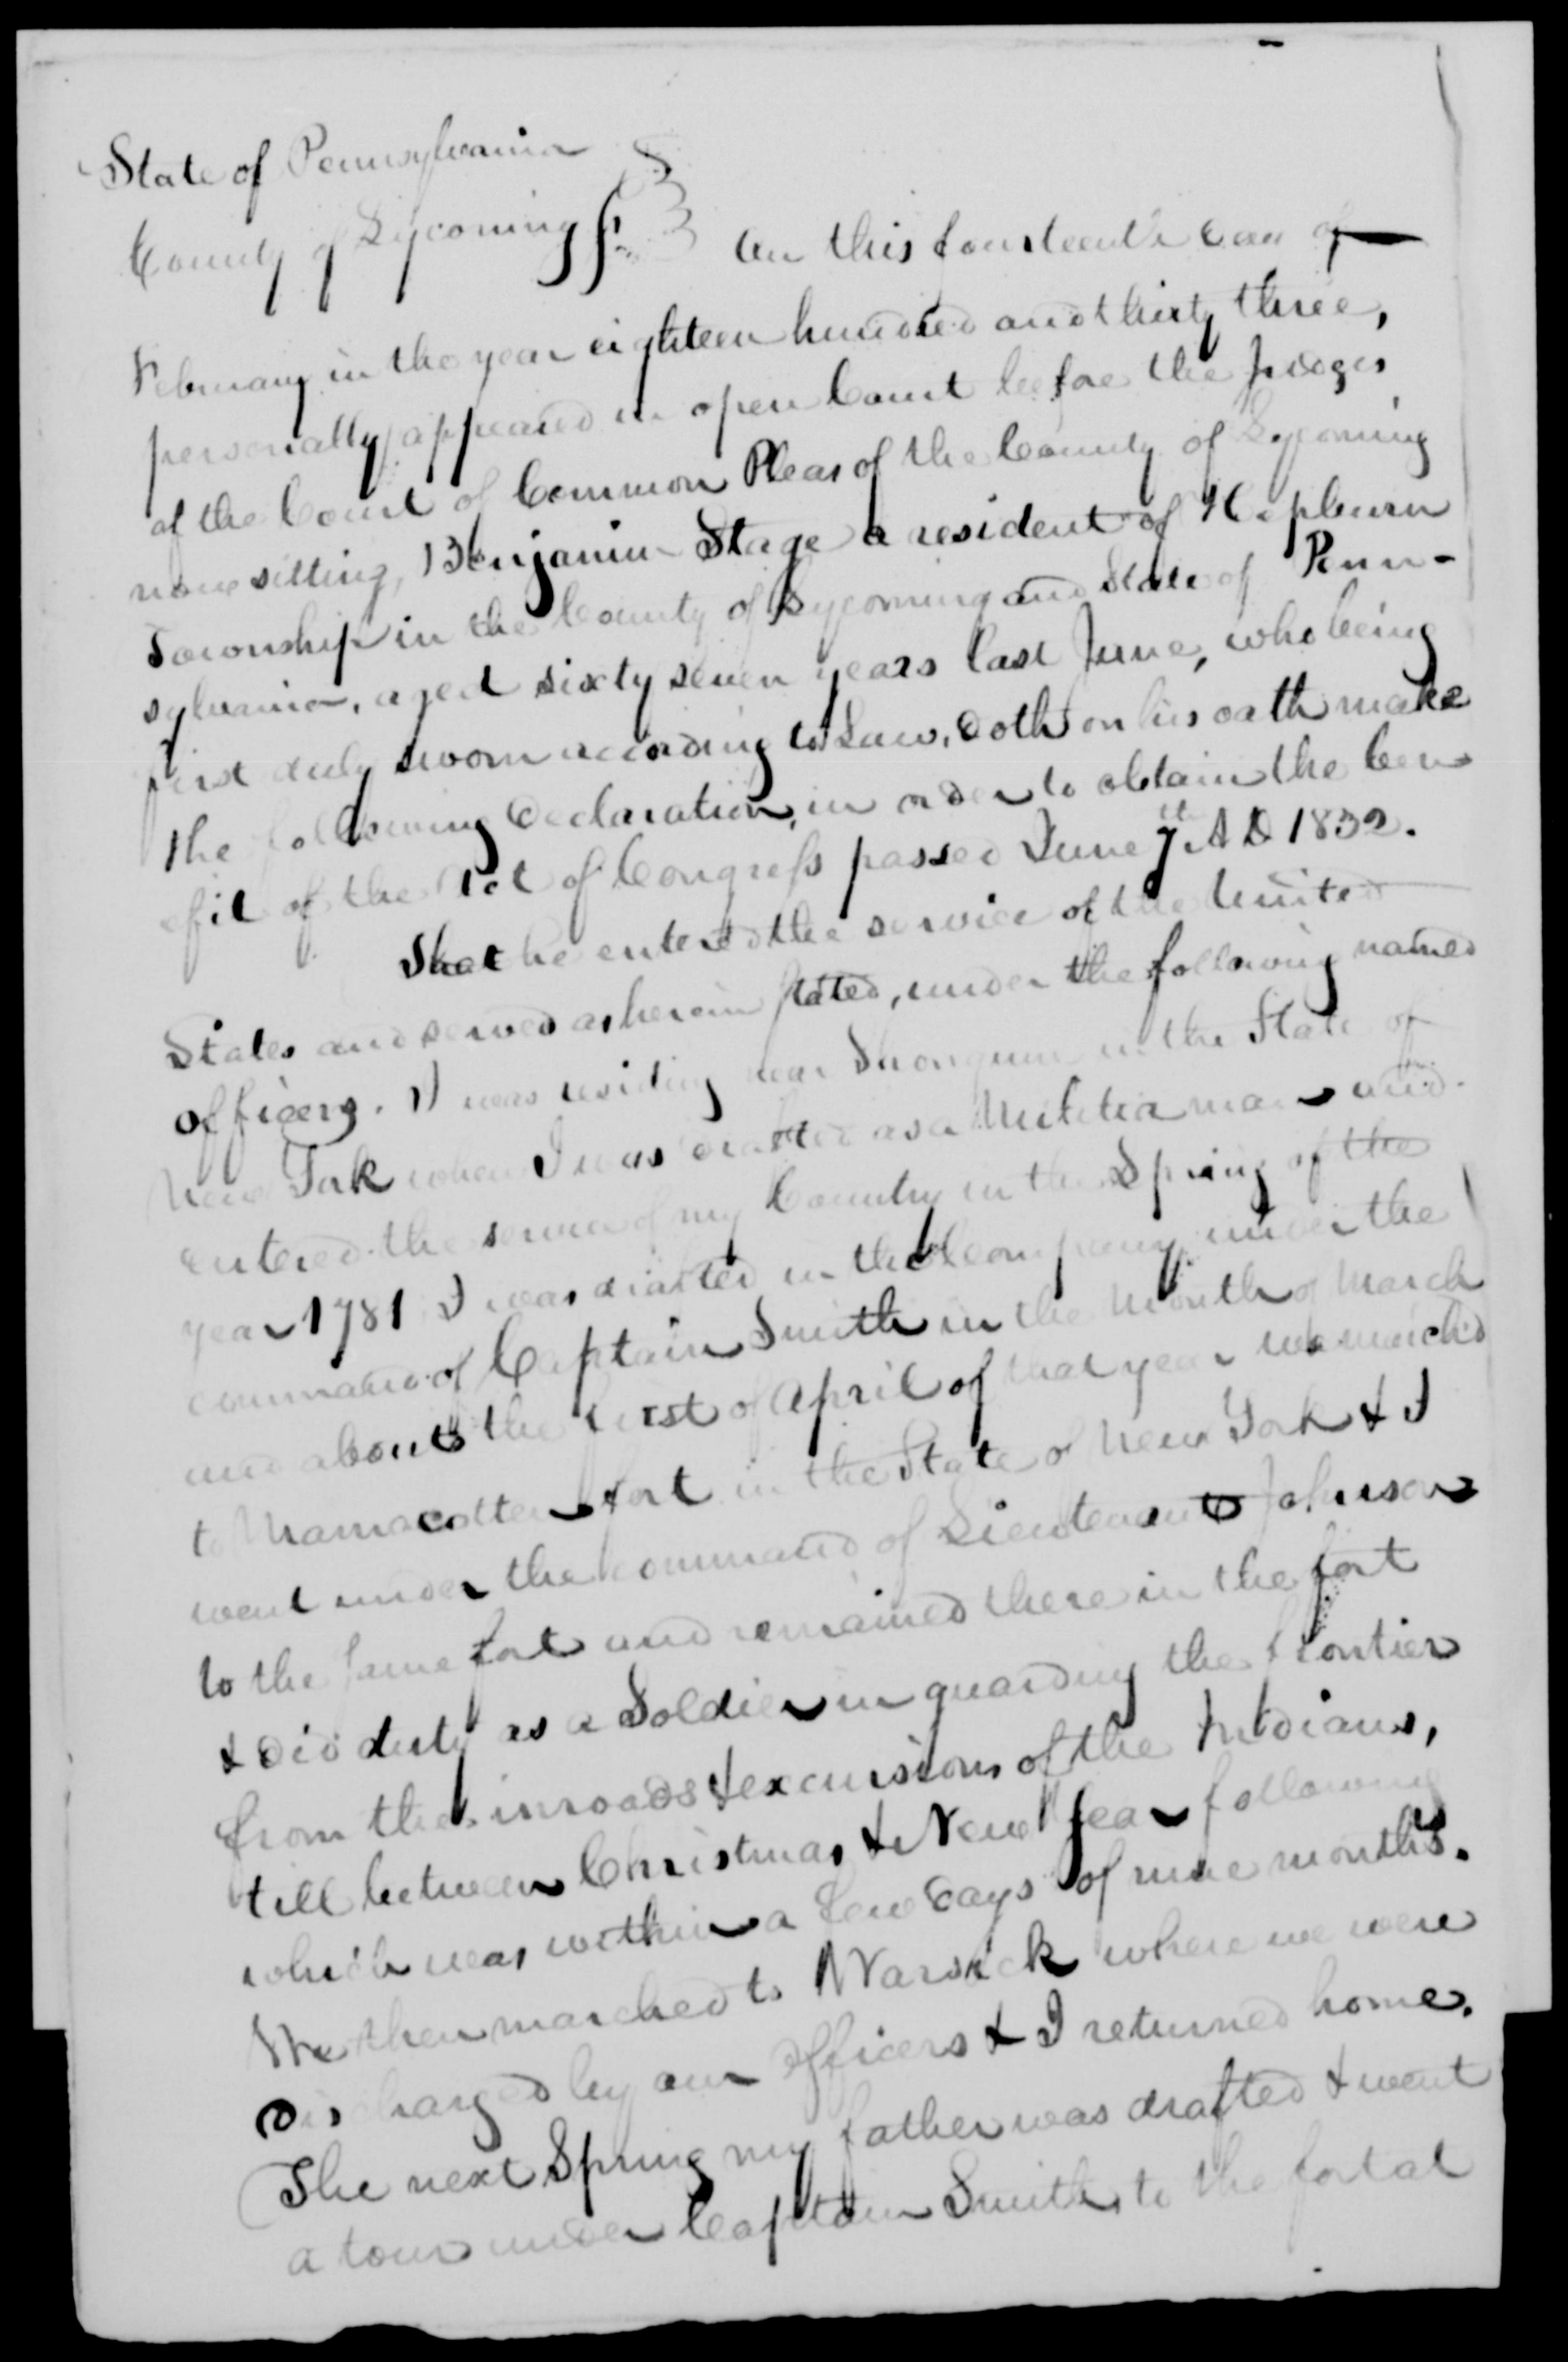State of Pennsylvania County of Lycoming
On this fourteenth day of February in the year eighteen hundred and thirty three, personally appeared in open court before the Judges of the Court of Common Pleas of the County of Lycoming now sitting, Benjamin Stages a resident of Hepburn Township in the county of Lycoming and State of Pennsylvania, aged sixty seven years last June, who being first duly sworn according to Law, doth on his oath make the following declaration in order to obtain the benefit of the Act of Congress passed June 7th AD 1832. 
That he entered the service of the United States and served as herein stated under the following named officers. I was residing near Shongum in the State of New York when I was drafted as a Militia man and entered the service of my Country in the Spring of the year 1781. I was drafted in the [] under the command of Captain Smith in the month of March and about the first of April of that year we march'd to Mamacotten (Mamakating) fort in the State of New York & I went under the command of Lieutenant Johnson to the same fort and remained there in the fort & did duty as a Soldier in guarding the frontier from the inroads & excursions of the Indians, till between Christmas & New Year following which was within a few days of nine months. We then marched to Warsick where we were discharged by our officers & I returned home. The next Spring my father was drafted & went a tour under Captain Smith to the fort at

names: [BLANK] Smith; [BLANK] Smith; Benjamin Stage; [BLANK] Johnson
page: 4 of 23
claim: survivor's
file: S. 23008, for Benjamin Stage, New York